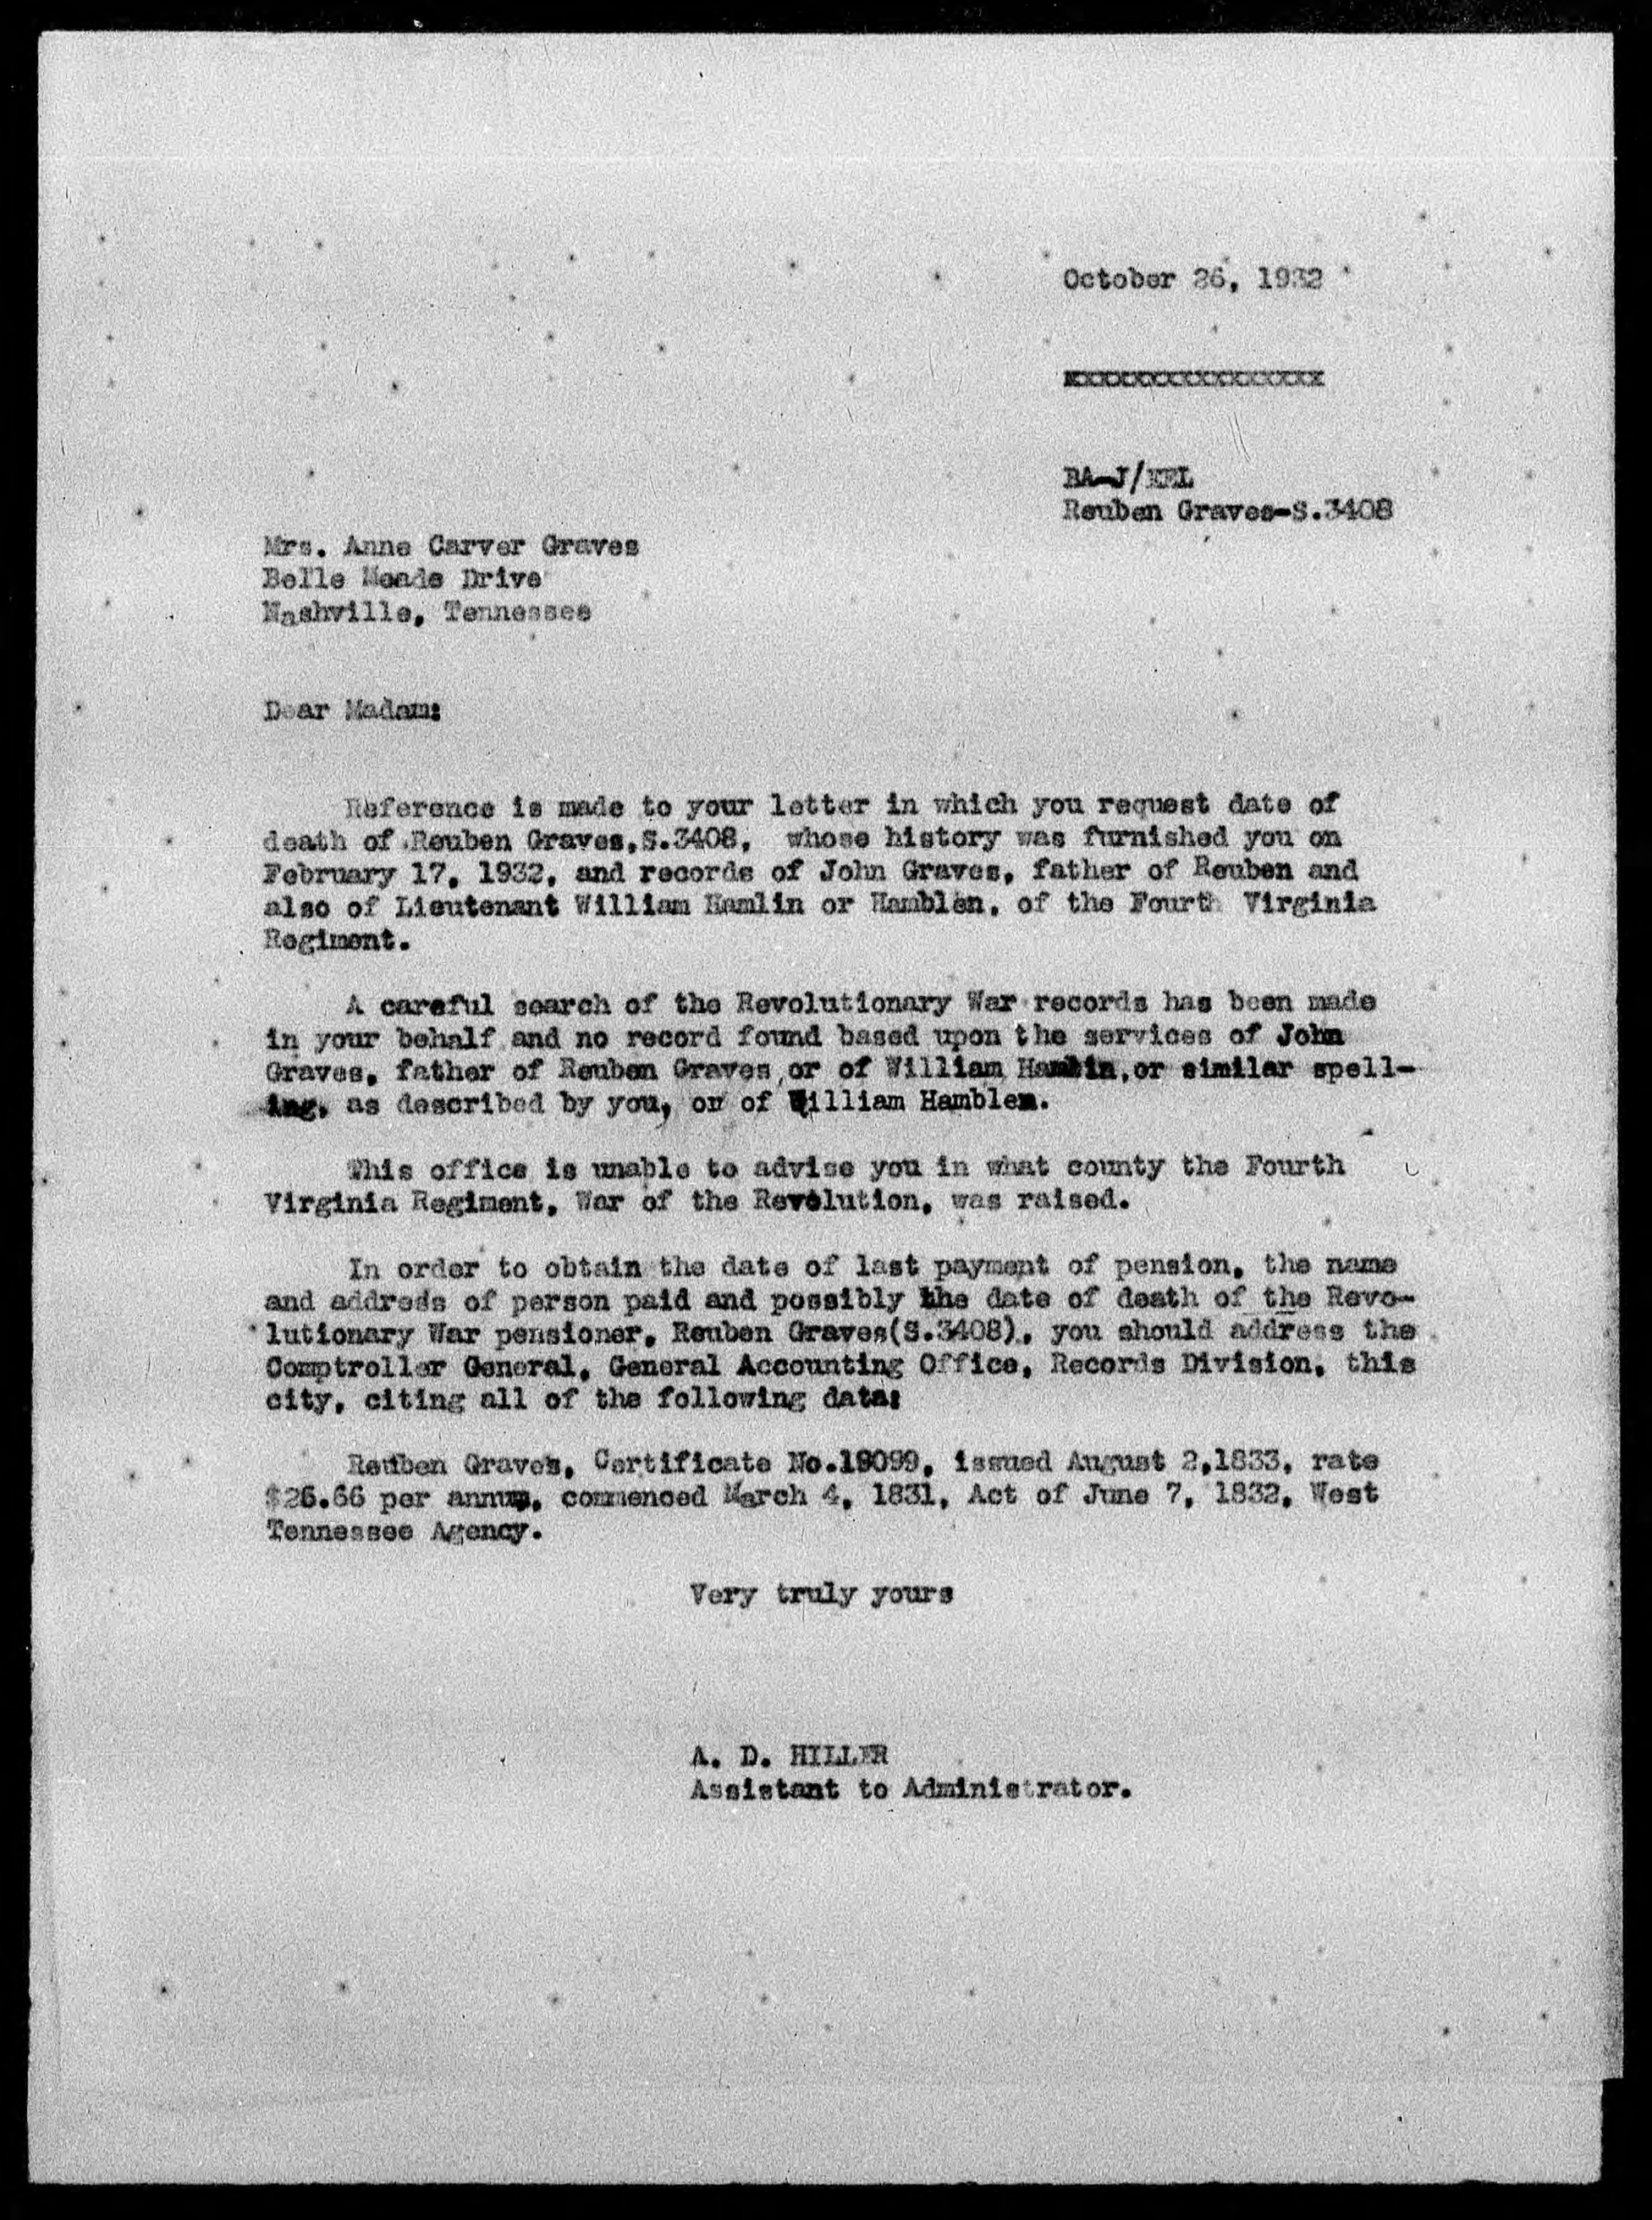October 26, 1932


BA-J/KEL
Reuben Graves - S. 3408


Mrs. Anne Carver Graves
Belle Meade Drive
Nashville, Tennessee

Dear Madam:

Reference is made to your letter in which you request date of death of Reuben Graves, S. 3408, whose history was furnished you on February 17, 1932, and records of John Graves, father of Reuben and also of Lieutenant William Hamlin or Hamblen, of the Fourth Virginia Regiment.

A careful search of the Revolutionary War records has been made in your behalf and no record found based upon the services of John Graves, father of Reuben Graves, or of William Hamlin, or similar spelling, as described by you, or of William Hamblen.

This office is unable to advice you in what county the Fourth Virginia Regiment, War of the Revolution, was raised.

In order to obtain the date of last payment of pension, the name and address of person paid and possibly the date of death of the Revolutionary War pensioner, Reuben Graves (S.3408), you should address the Comptroller General, General Accounting Office, Records Division, this city, citing all of the following data:

Reuben Graves, Certificate No. 19099, issued August 2, 1833, rate $26.66 per annum, commenced March 4, 1831, Act of June 7, 1832, West Tennessee Agency.

Very truly yours,

A.D. Hiller
Assistant to the Administrator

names: Reuben Graves, William Hamlin, Reuben Graves, William Hamlin, William Hamblen, John Graves, Reuben Graves, Reuben, Reuben Graves, A D Hiller, William Hamblen, Anne Carver Graves, Reuben Graves, John Graves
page: 14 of 22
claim: survivor's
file: S. 3408, Reuben Graves, Va.